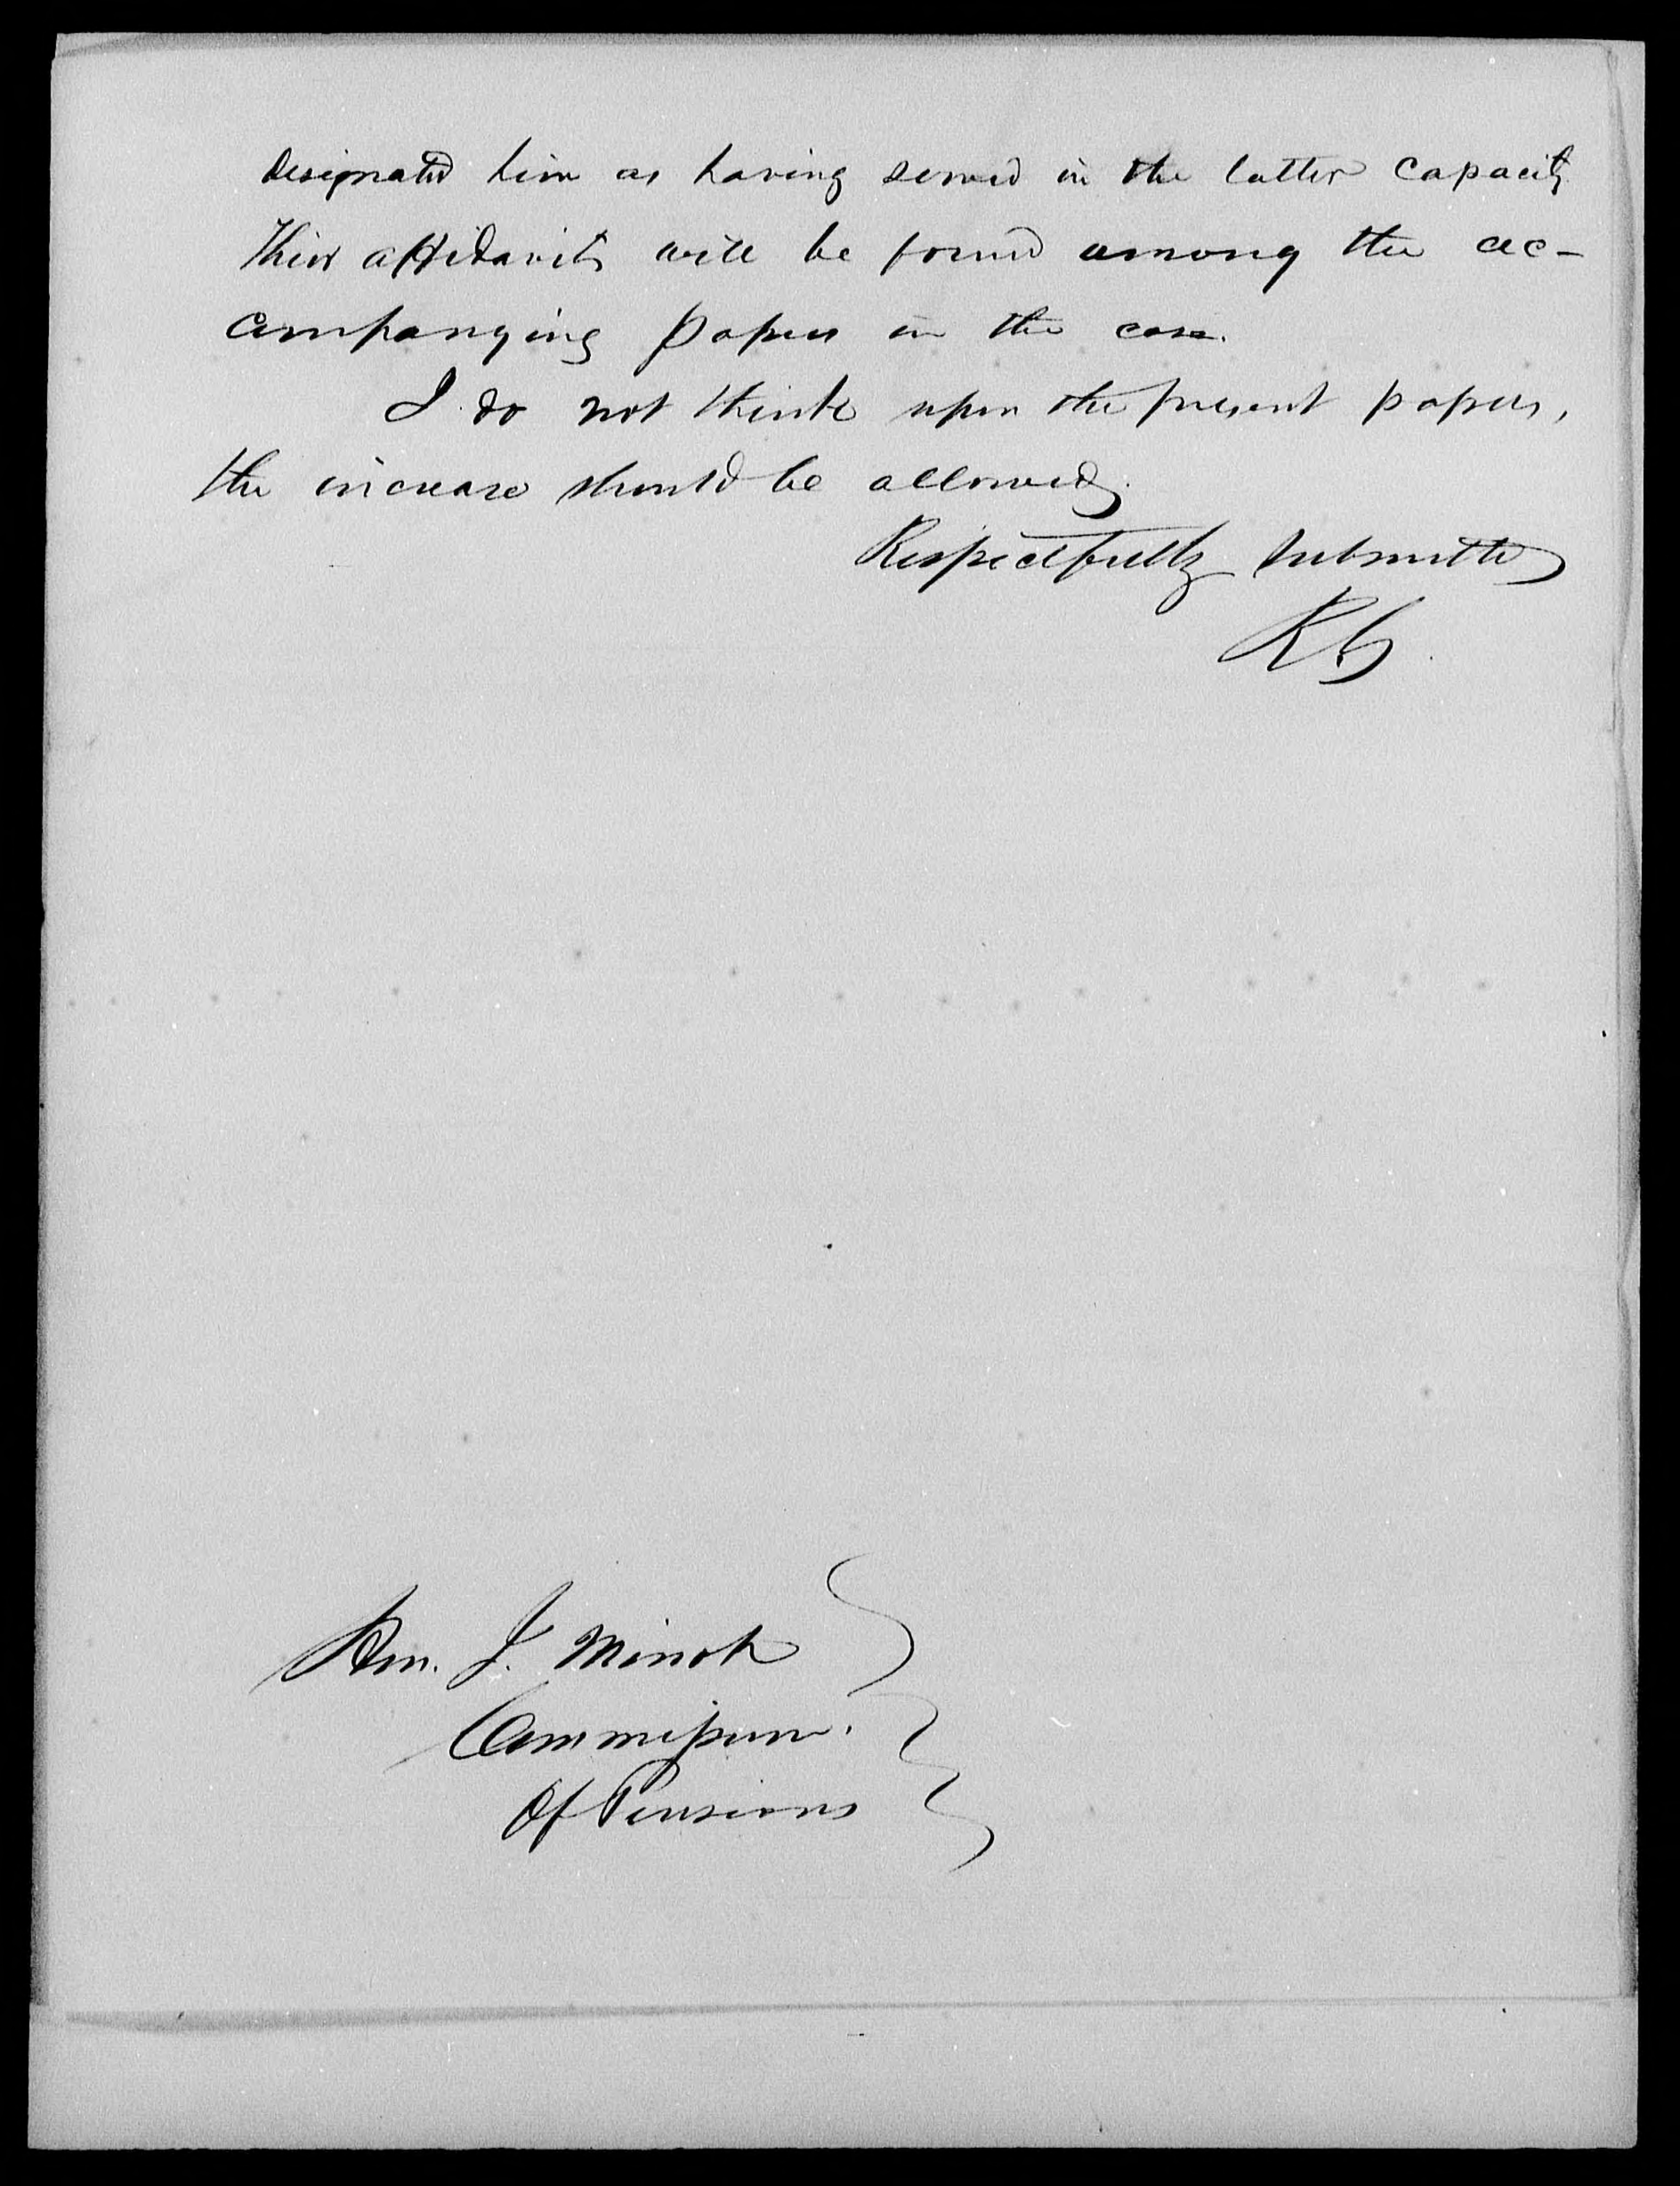[Third final page of handwritten compilation re William Cummins' case.]

designated him as having served in the latter Capacity.  Their affidavits will be found among the accompanying Papers in the case.

I do not think upon the present papers, the increase should be allowed.

Respectfully Submitted,
[Here the second initial is hard to read, but the signature initials appear to be:] R. G [or R. B] 


[Illegible] J. Minot)
Commissioner.)
of Pensions)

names: J Minot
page: 80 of 145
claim: survivor's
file: S. 8265, William Cumming, N.C.